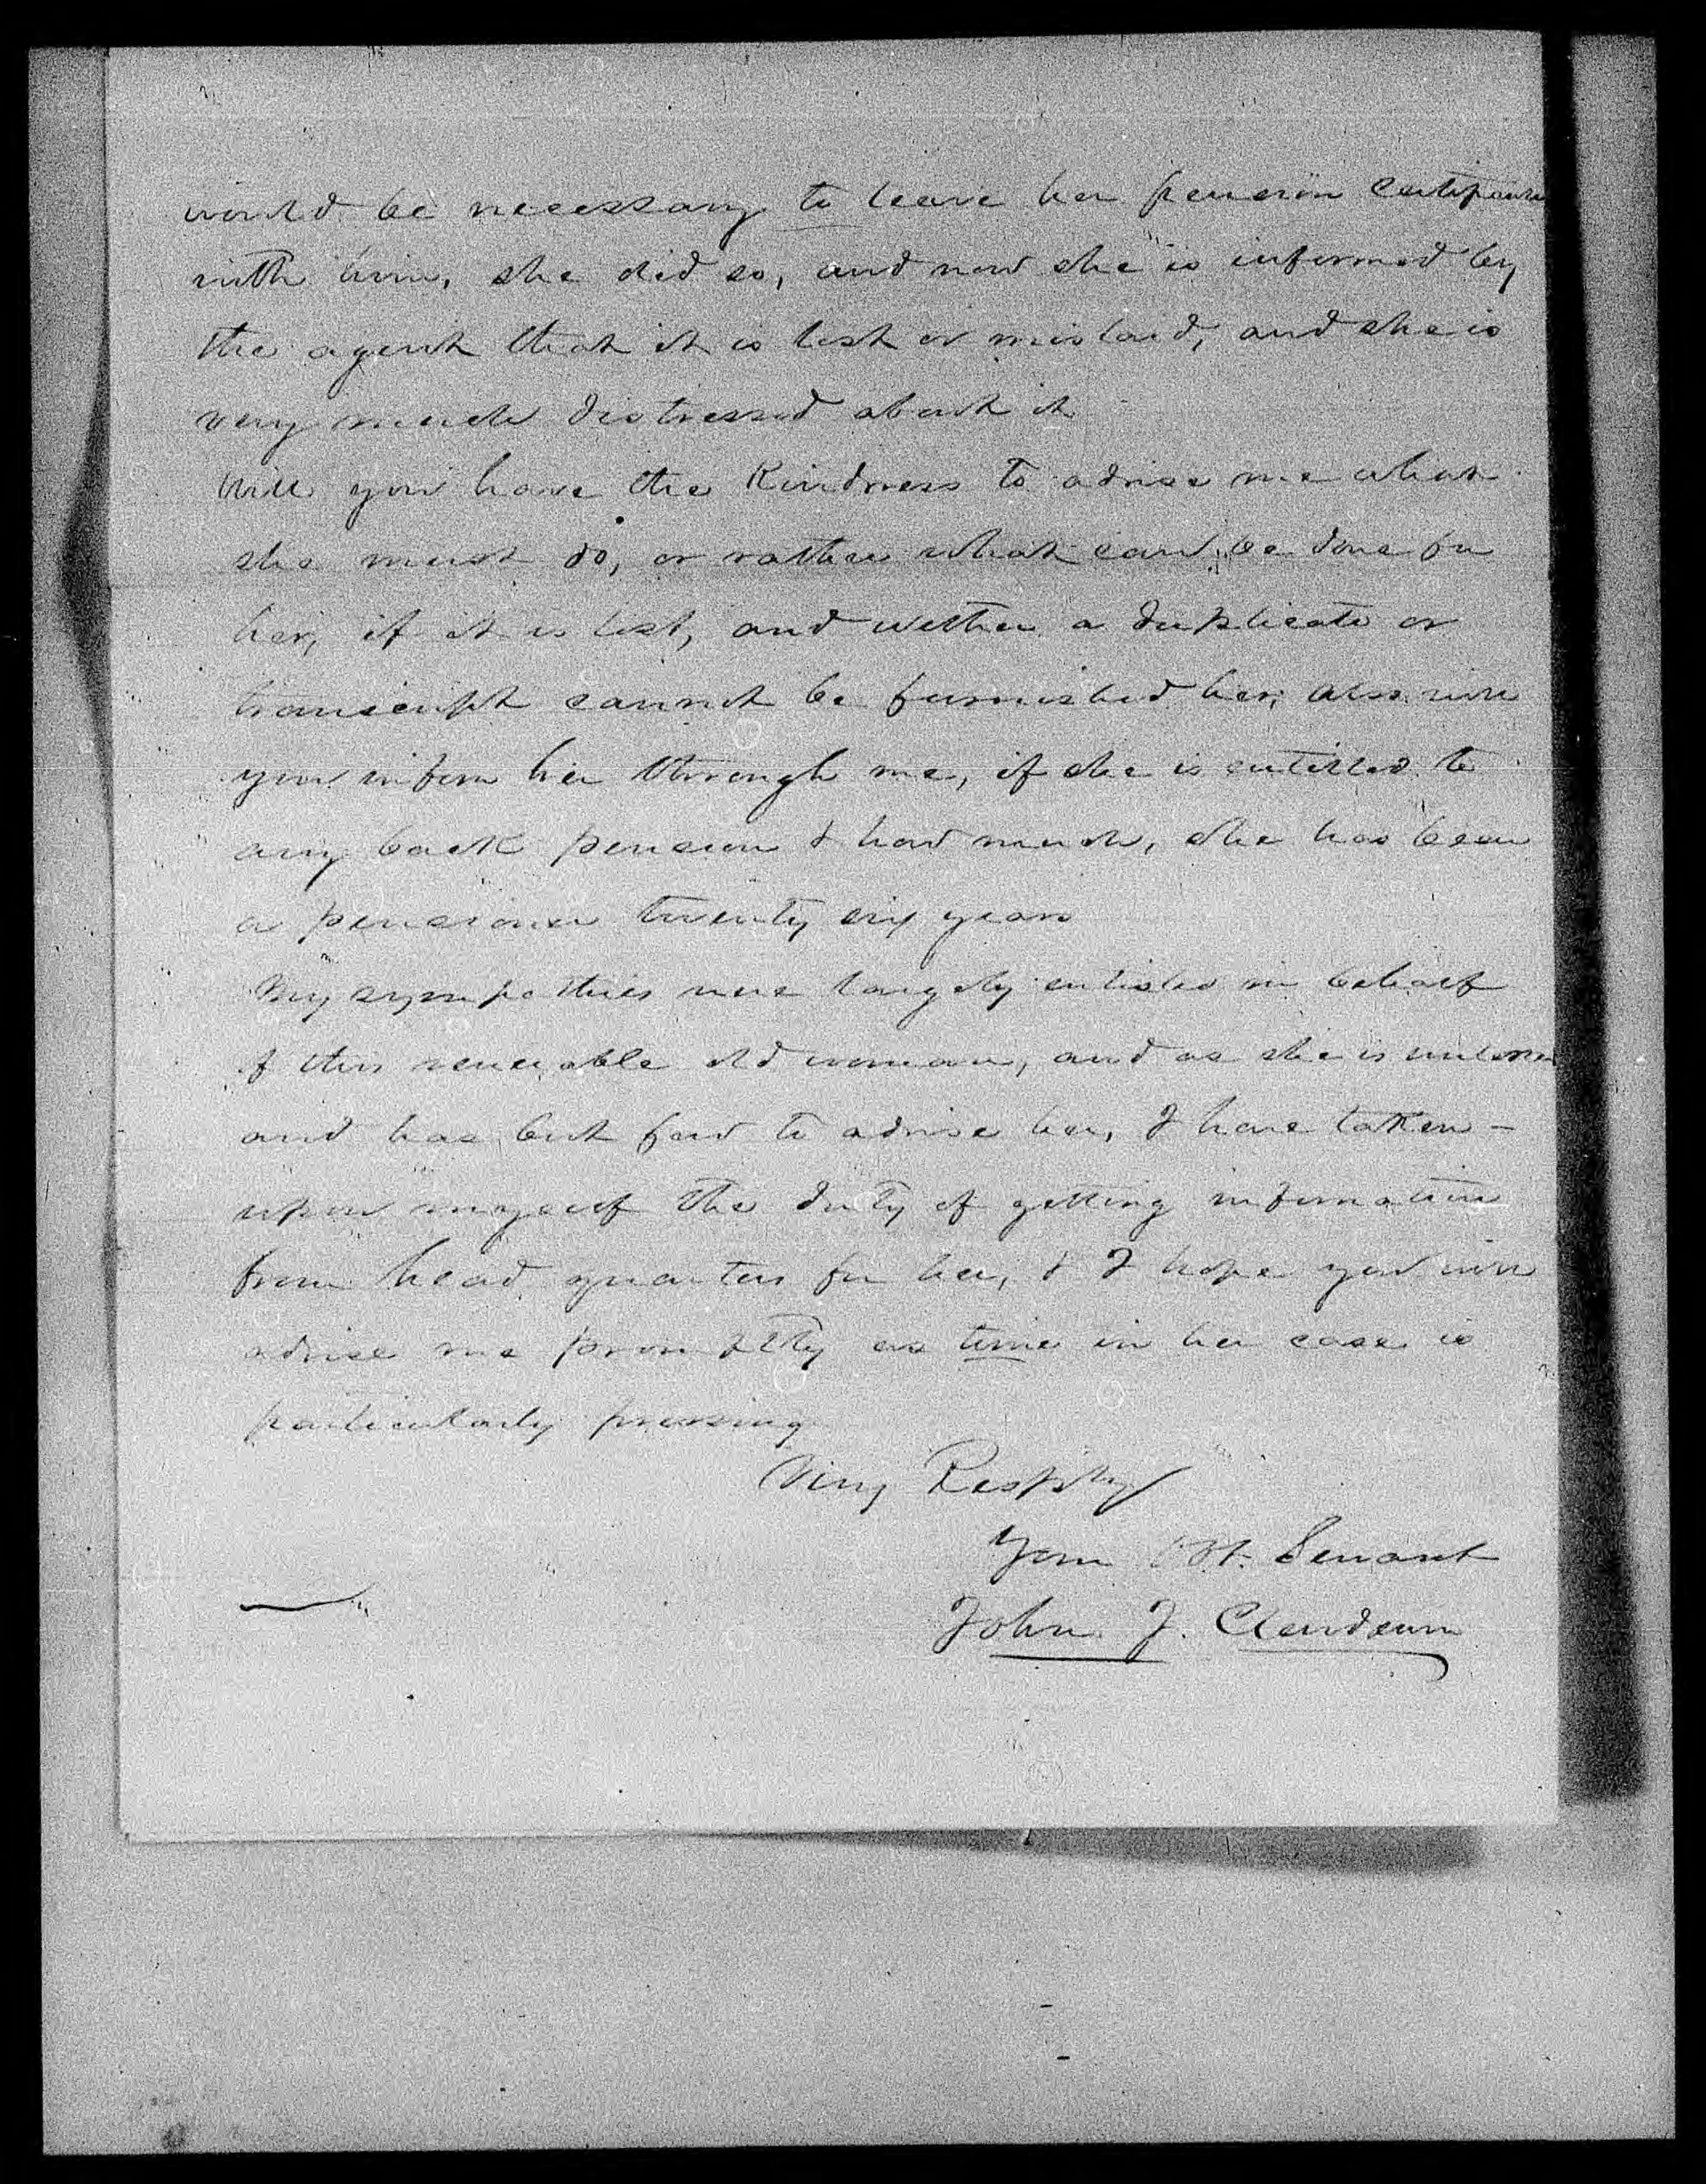would be necessary to leave her pension certificate with him, she did so, and now she is informed by the agent that it is lost or mislaid, and she is very much distressed

Will you have he kindness to advise me what she must do, or rather what could be done for her, if it is lost and whether a duplicate or transcript cannot be furnished her, also will you inform her through me, if she is entitled to any back pension & how much, she has been a pensioner twenty one years

My sympathies were largely enlisted in care of of this venerable old woman, and as she is uncertain
and has but few to advise her, I have taken upon myself f the duty of getting information from head quarters for her, & I hope you will advise me promptly as time in her case  is particularly pressing
Very Respectfully
Your Obt. Servant
John J. Clendown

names: John J Clendown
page: 85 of 115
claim: widow's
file: W. 1446, for John Mc Clung, South Carolina